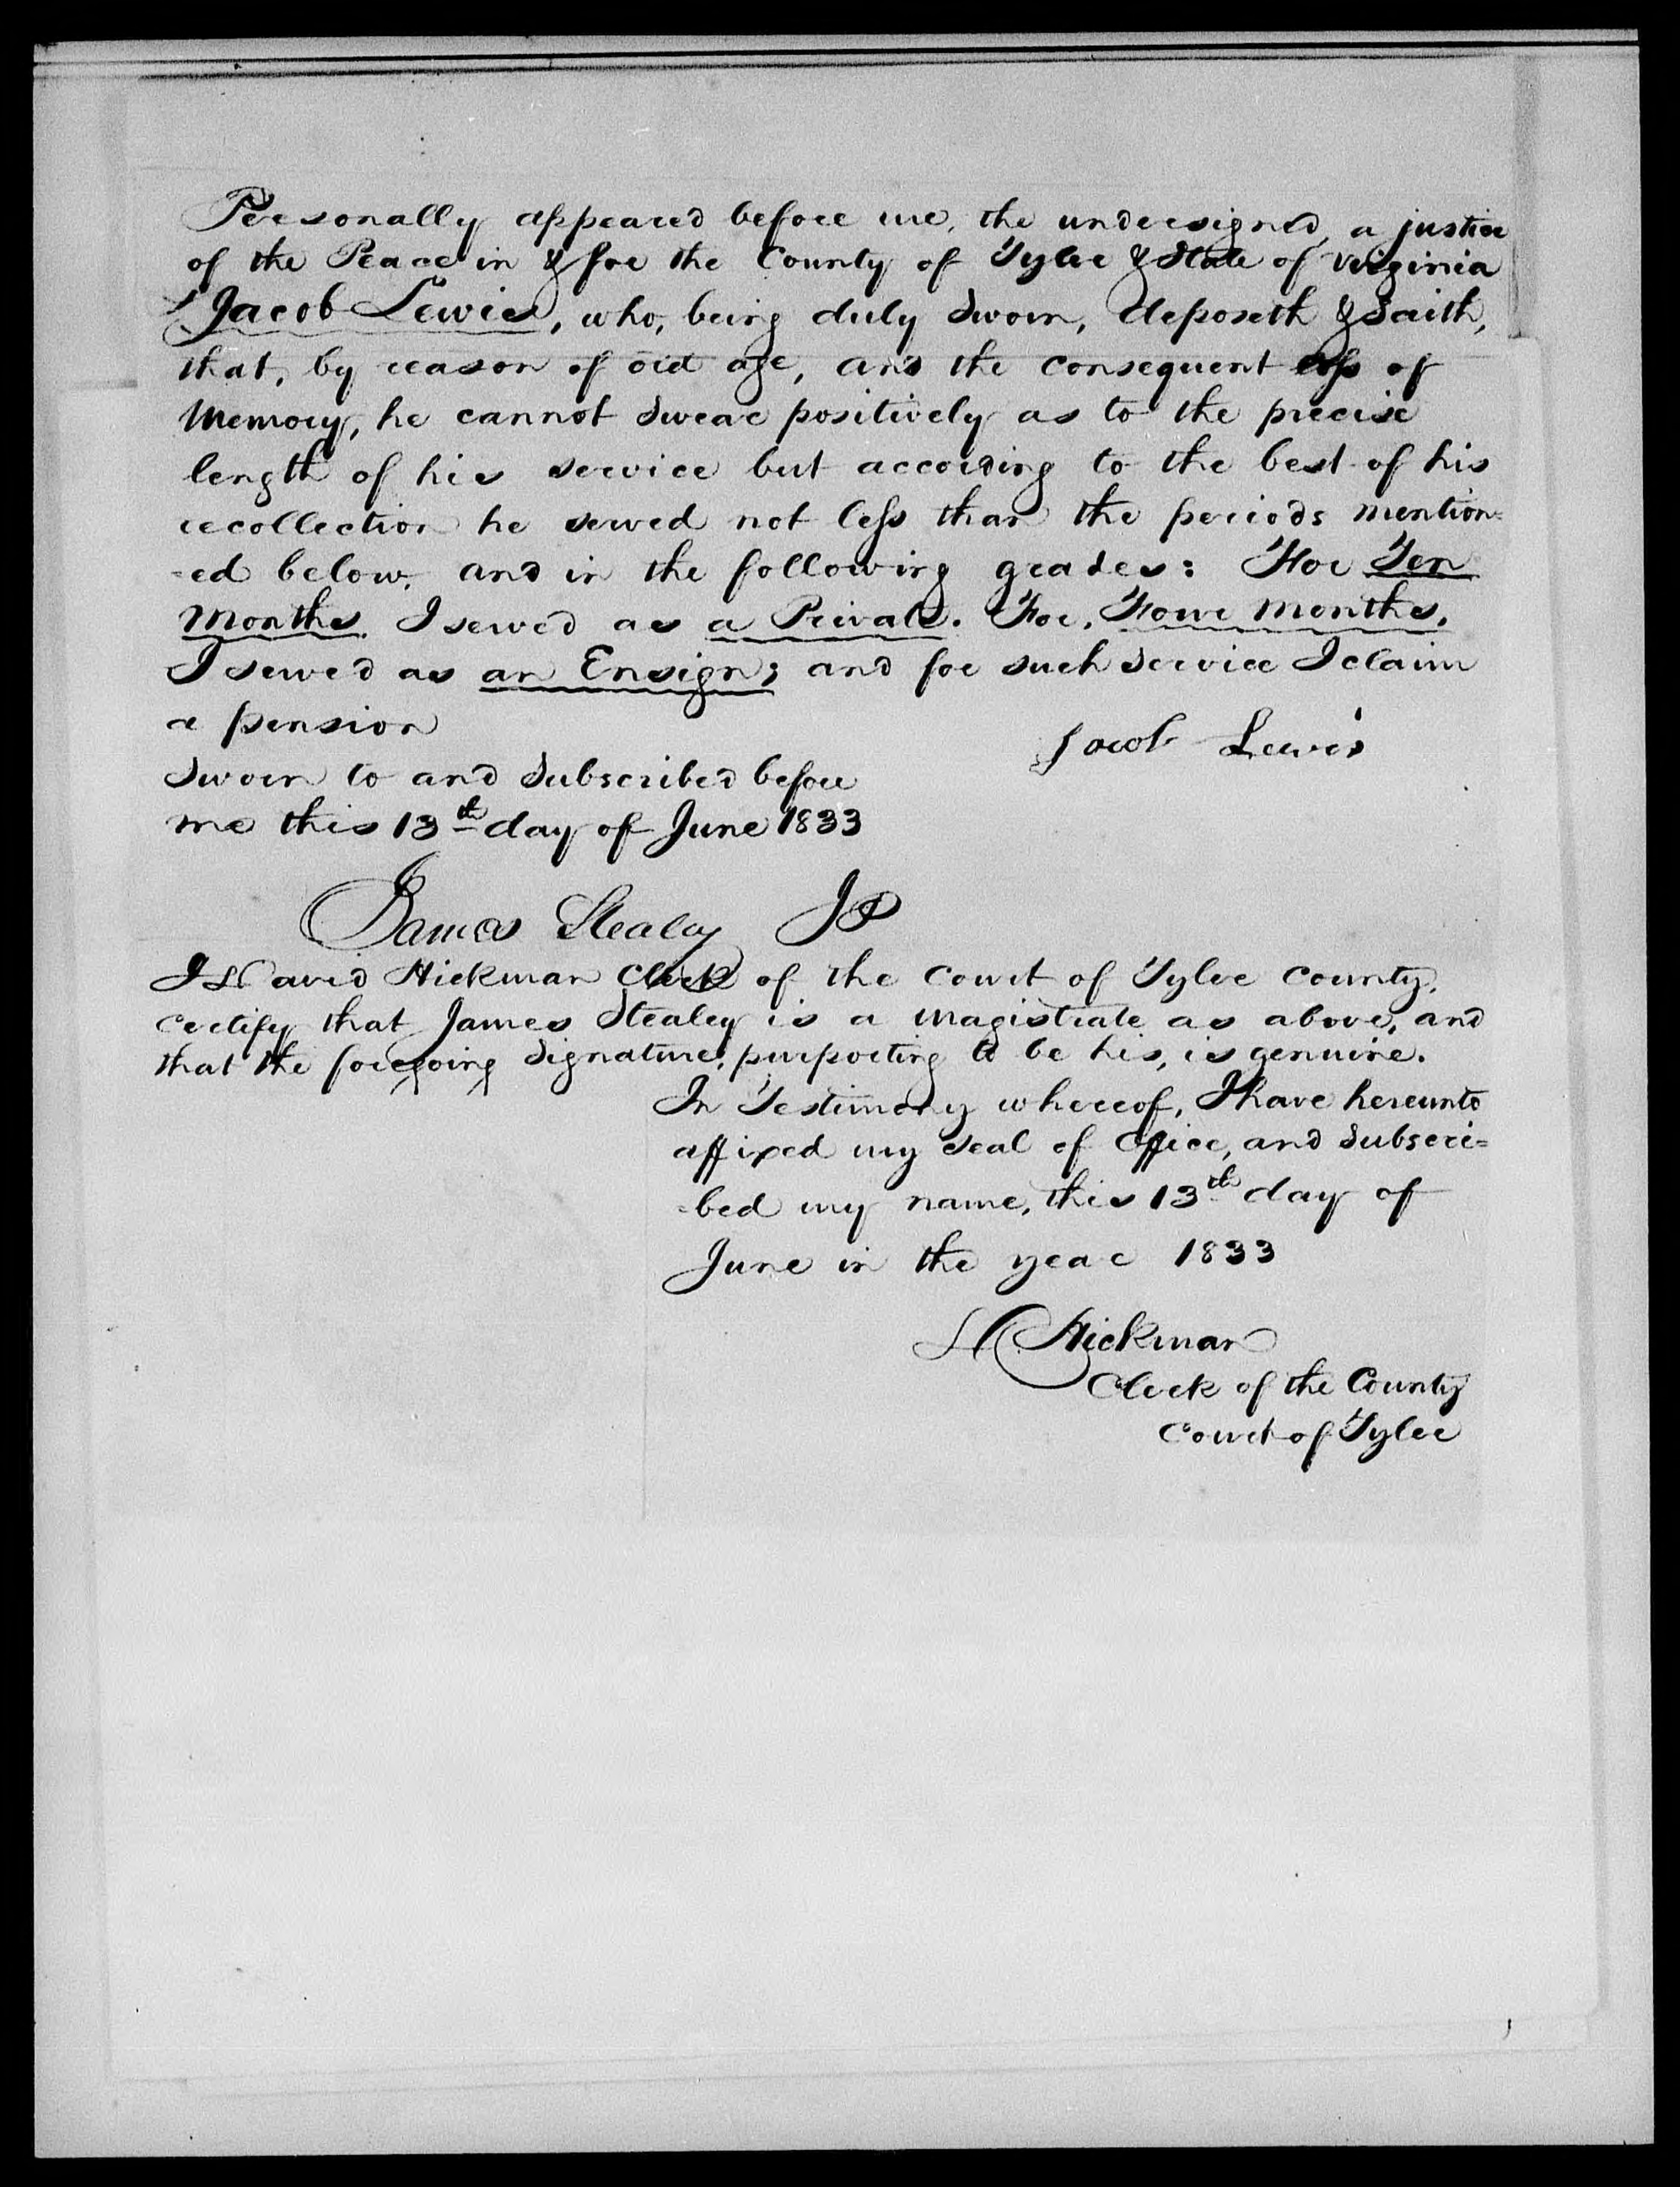Personally appeared before me, the undersigned, a justice of the Peace in & for the County of Tyler & State of Virginia Jacob Lewis, who, being duly sworn, deposeth & saith, that, by reason of old age, and the consequent loss of memory, he cannot swear positively as to the precise length of his service but according to the best of his recollection he served not less than the periods mentioned below, and in the following grades: For Ten Months I served as a private.  For Four Months, I served as an Ensign, and for such service I claim a Pension
Jacob Lewis
Sworn to and Subscribed before me this 18th day of June 1833
James Stealey  JP

I David Hickman Clerk of the Court of Tyler County, certify that James Stealey is a megistrate as above, and that their statement foregoing signature, purporting to be his, is genuine.
In Testimony whereof, I have hereunto affixed my Seal of Office, and Subscribed my name, this 13th day of June in the year 1833
DR Hickman
Clerk of the County Court of Tyler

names: Jacob Lewis; David Hickman; James Stealey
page: 12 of 69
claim: widow's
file: W 8044, for Jacob Lewis, Virginia